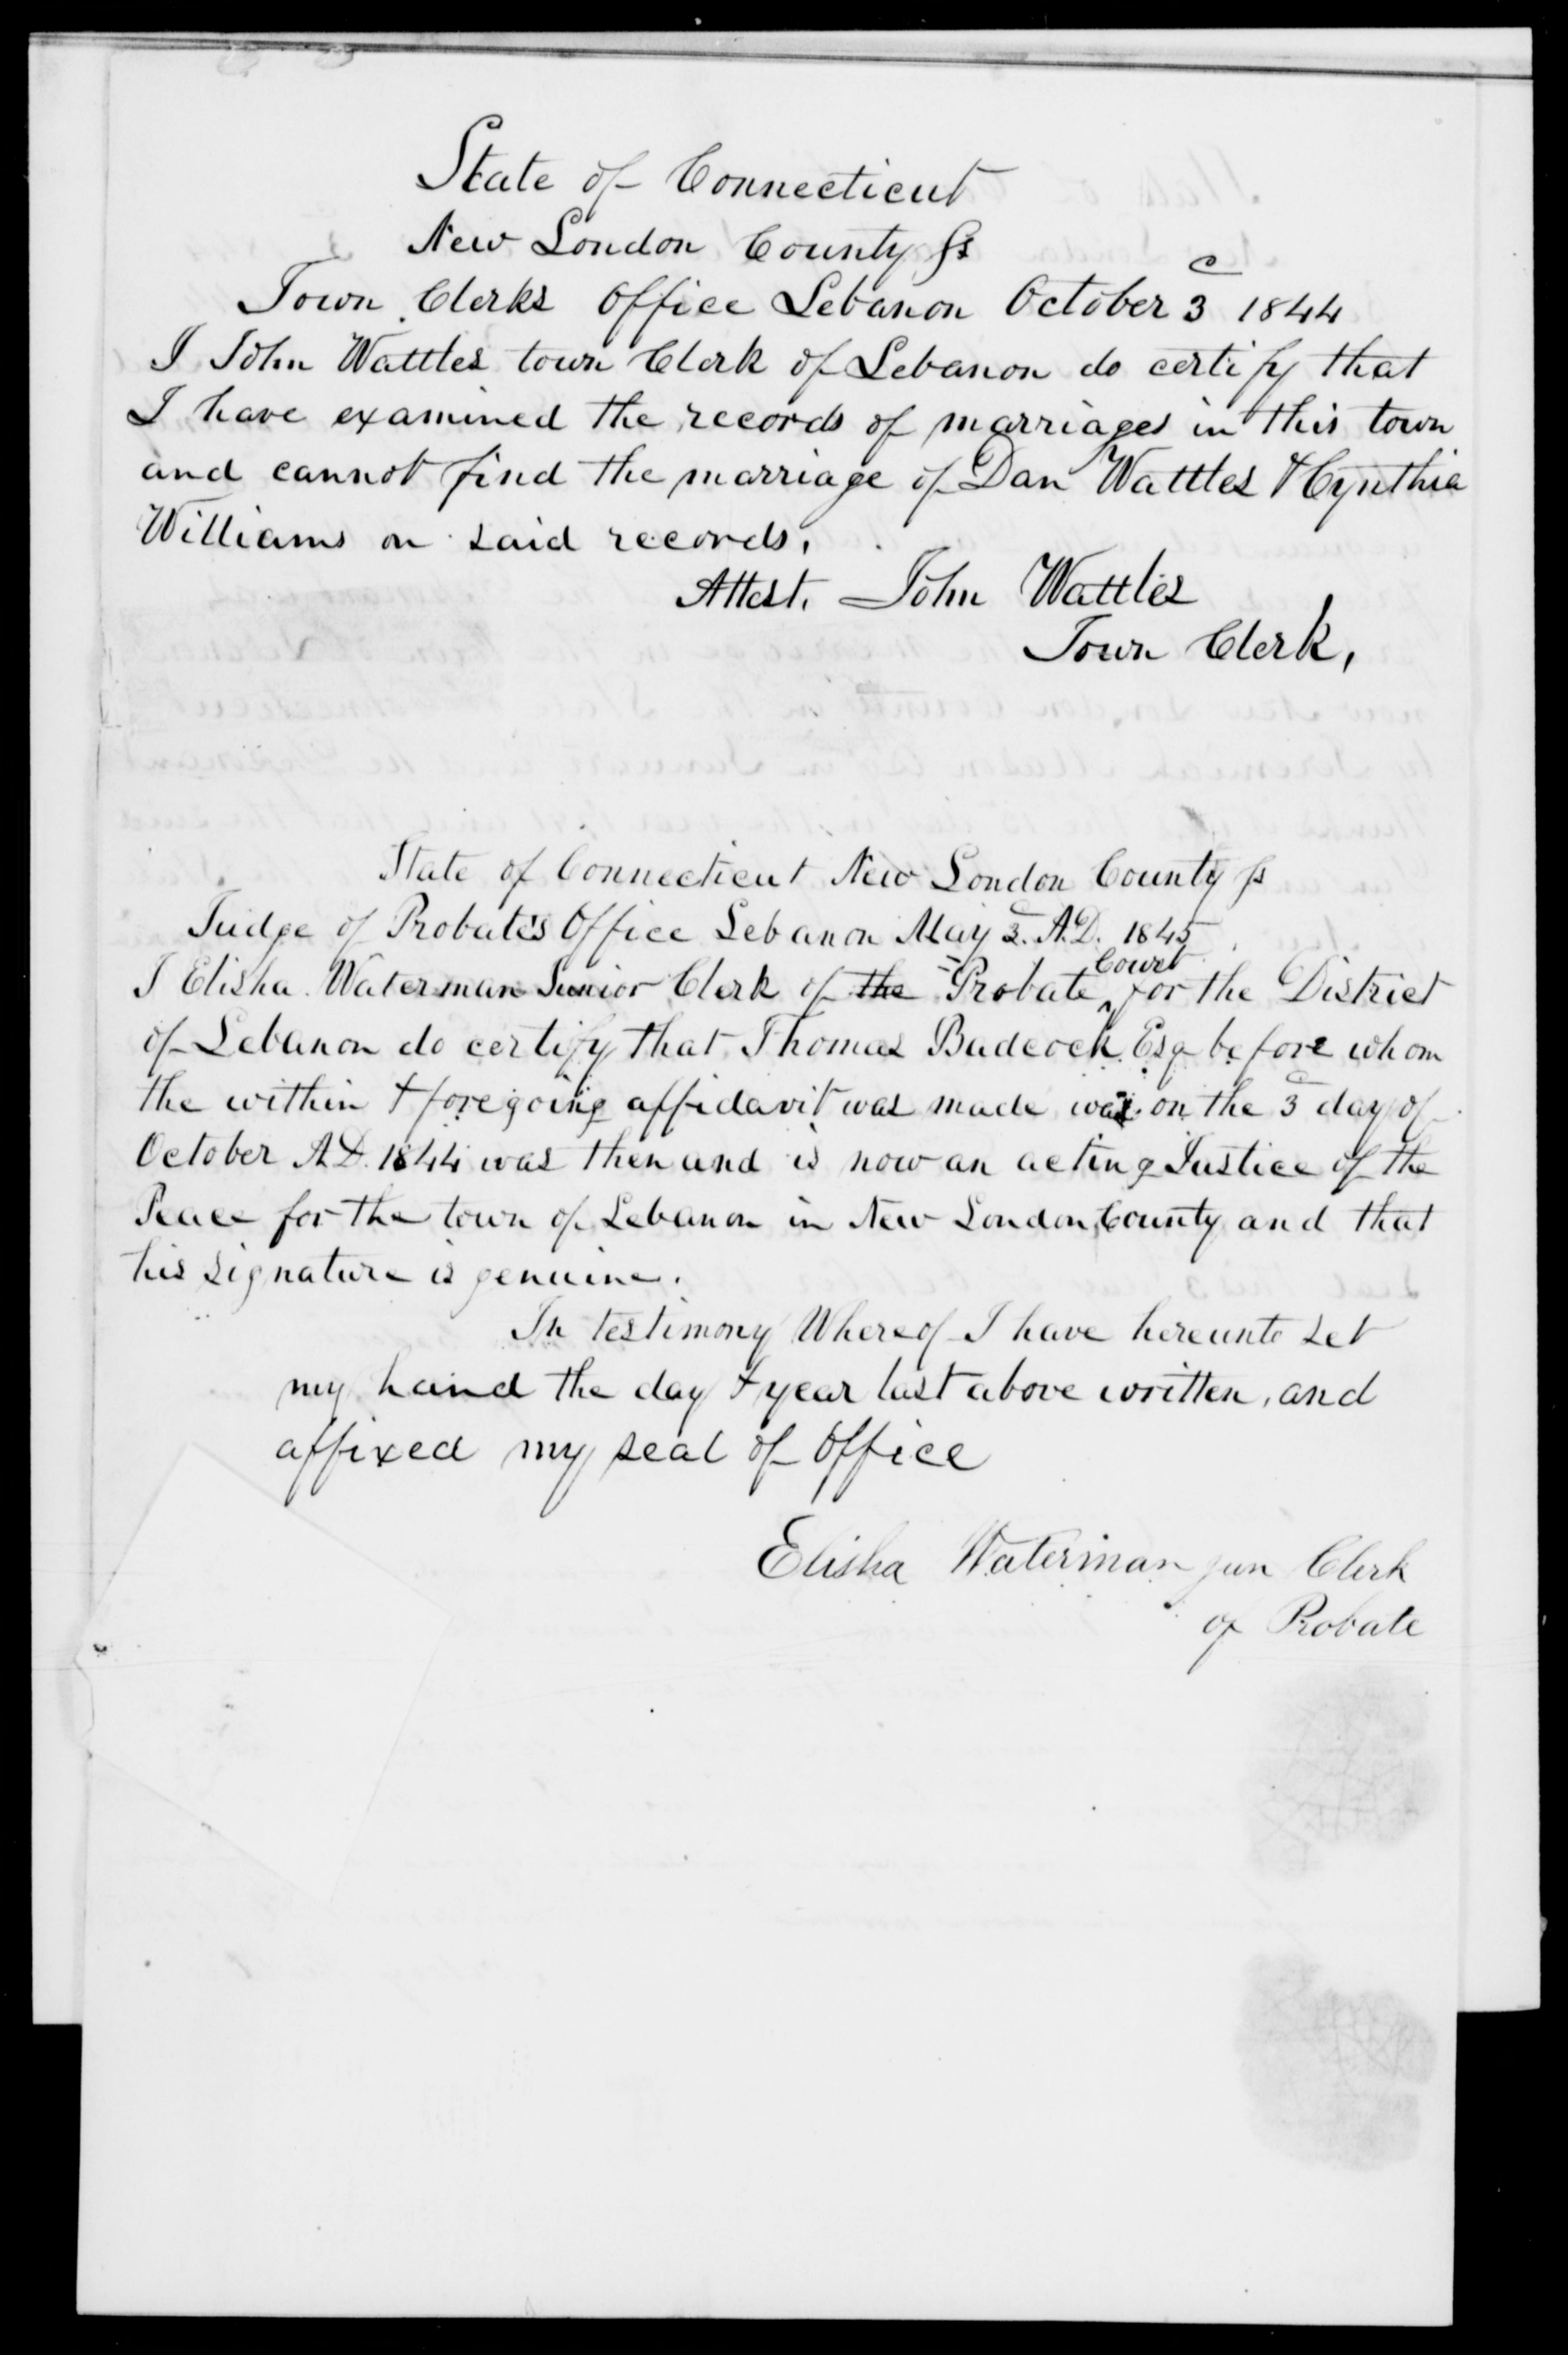State of Connecticut
New London County  ss.
Town Clerks office Lebanon  October 3 1844

I John Wattles town Clerk of Lebanon do certify that I have examined the records of marriages in this town and cannot find the marriage of Dan Wattles & Cynthia Williams on said records.

Attest.  John Wattles
             Town Clerk.


State of Connecticut
New London County ss.

Judge of Probate's Office Lebanon  
May 3 A. D. 1845

I Elisha Waterman Junior Clerk of the Probate Court for the District of Lebanon do certify that Thomas Badcock Esq before whom the within & foregoing affidavit was made was on the 3d day of October A. D. 1844 was then and is now an acting Justice of the Peace for the town Of Lebanon in New London County and that his signature is genuine.

In testimony whereof I have hereunto set my hand the day & year last above written, and affixed my seal of office.
Elisha Waterman   Jun Clerk of Probate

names: Elisha Waterman, Dan Wattles, Cynthia Williams, Thomas Badcock, John Wattles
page: 54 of 70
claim: widow's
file: W. 3743, Dan Wattles, Conn.